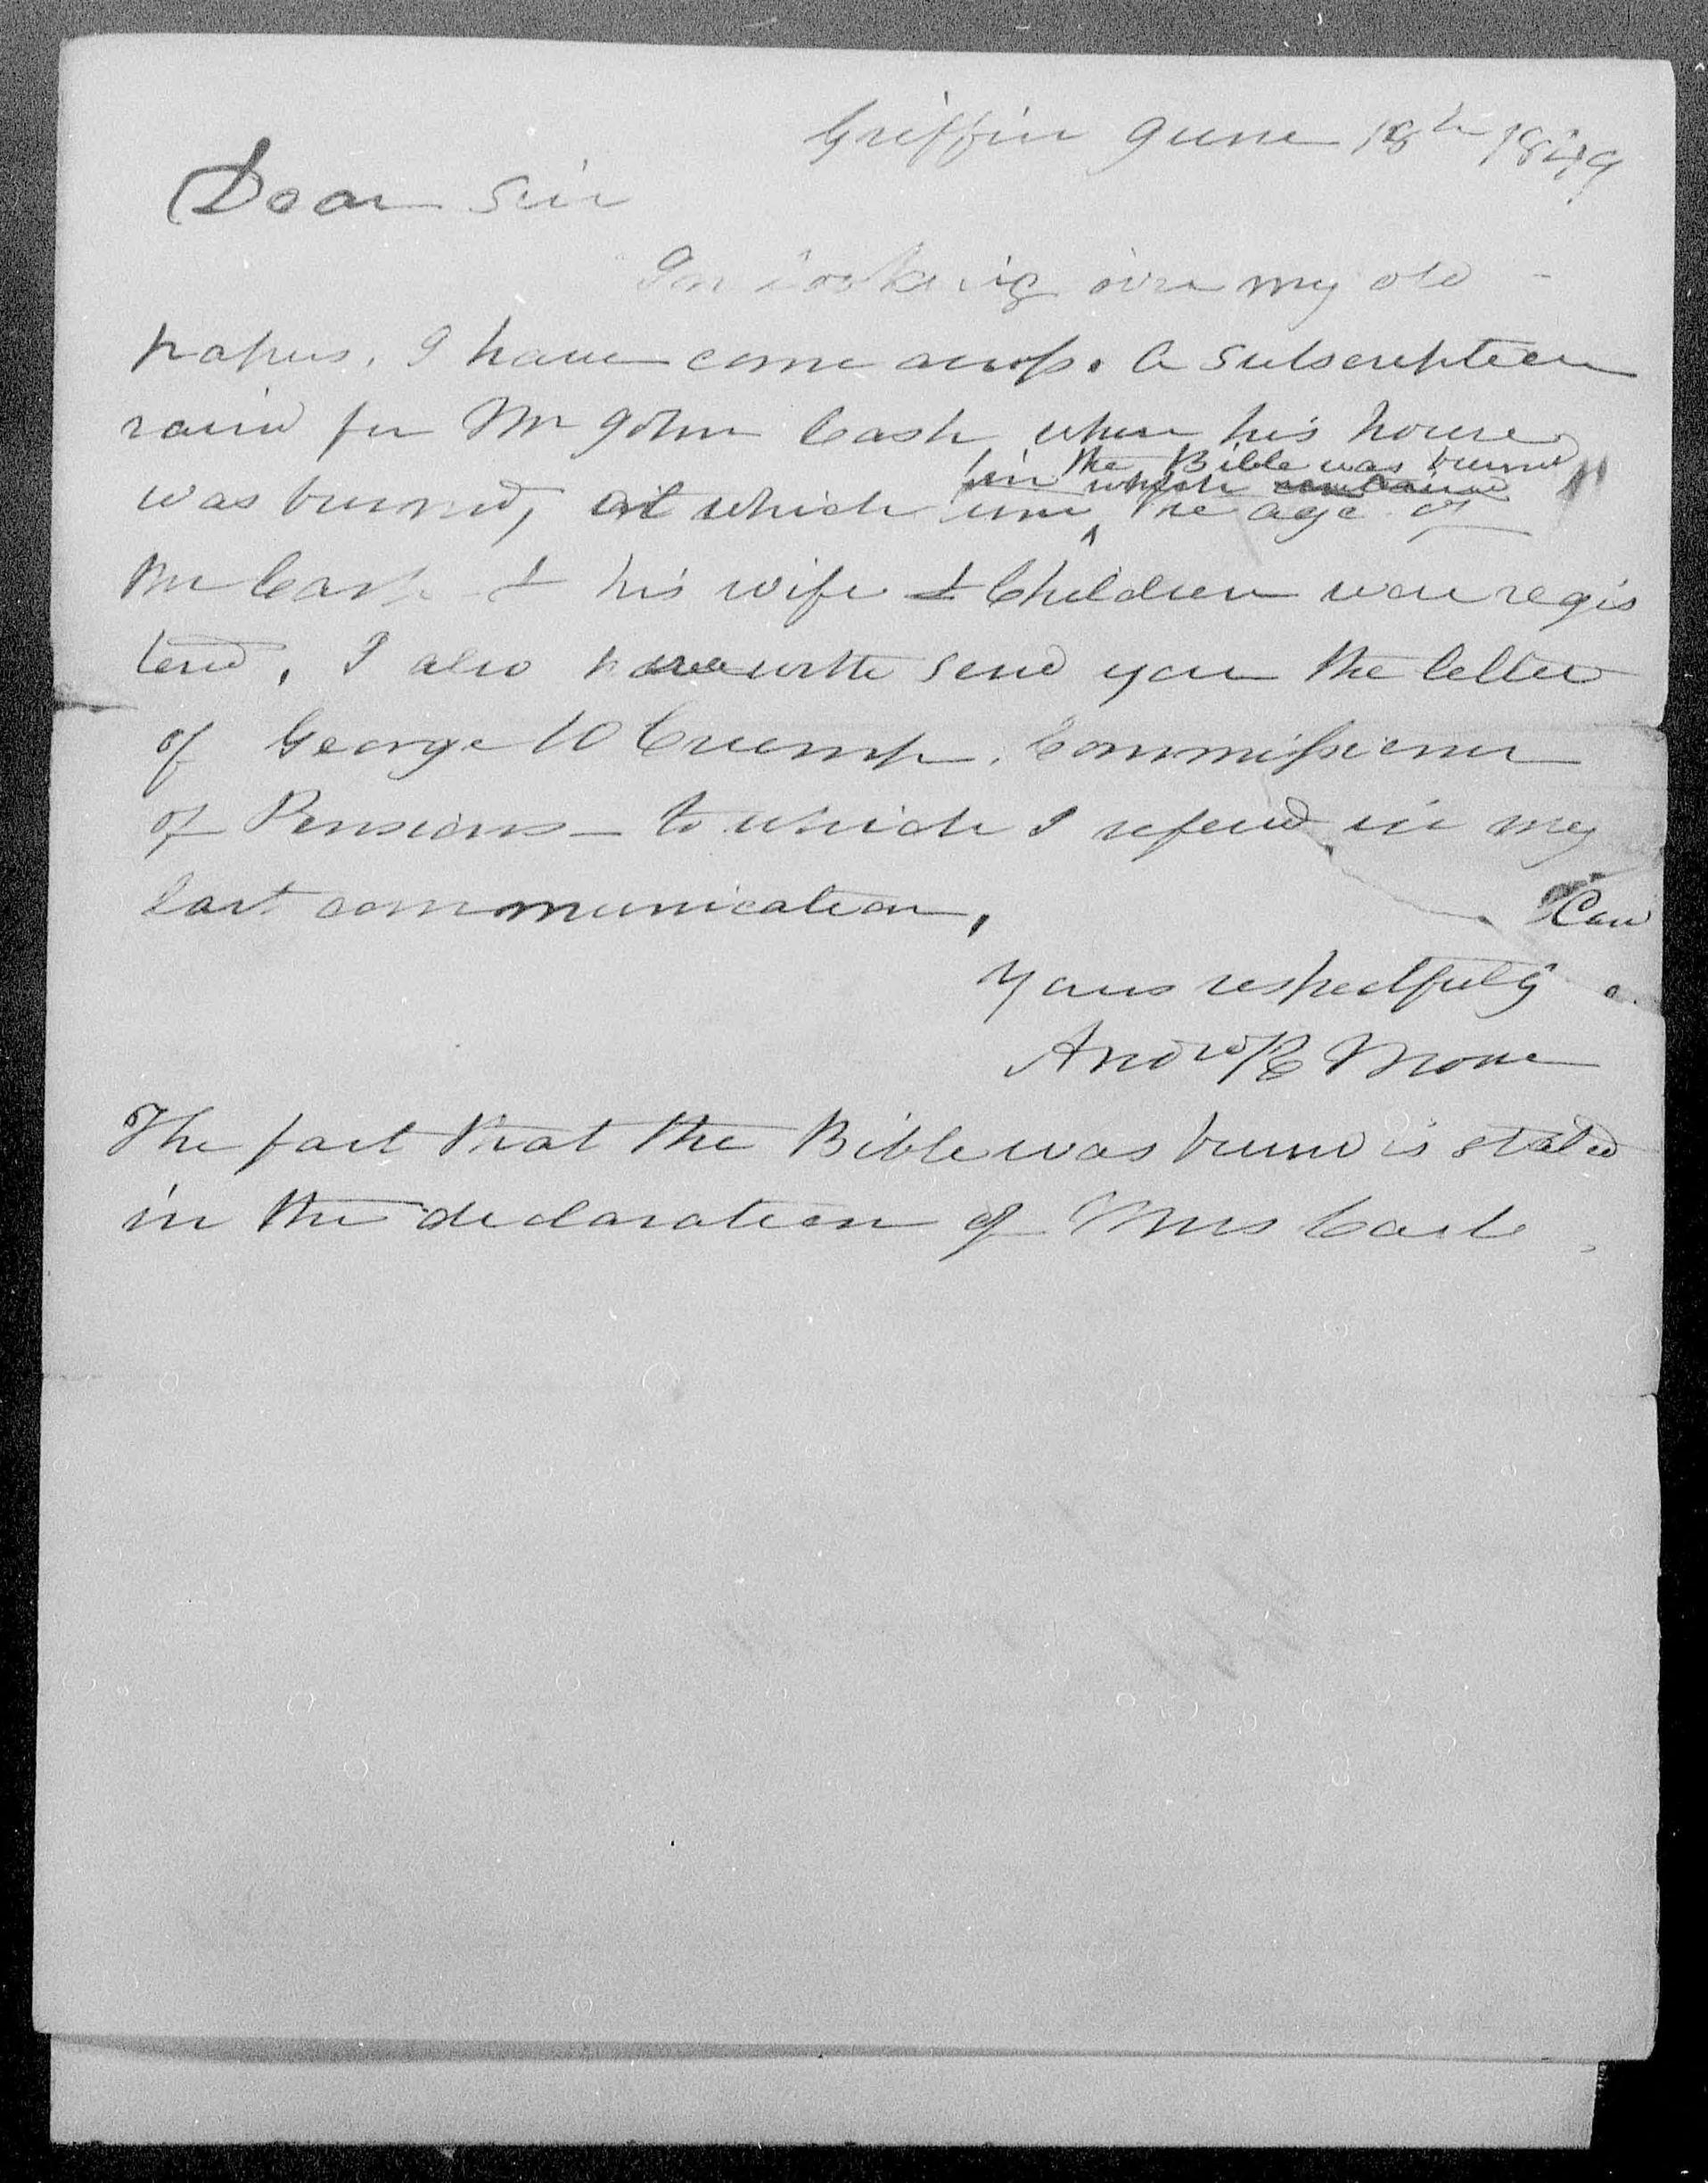Griffin June 18th, 1849
Dear Sir,
In working over my old papers, I have come across a subscription said for Mr. John Cash, when his house 
was burned, the Bible was burnt in which 
contained the age of Cash. His wife & children were registered, I also will send you the letter of George W Crump, Commissioner of Pensions-- to which I referred in my last communication,
Yours respectfully
Andrew Moore

The fact that the Bible was burnt is stated
in the declaration of Mrs. Cash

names: Cash, Cash, Andw R Moore, John Cash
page: 69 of 73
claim: widow's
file: W. 5,894, John Cash, Va.